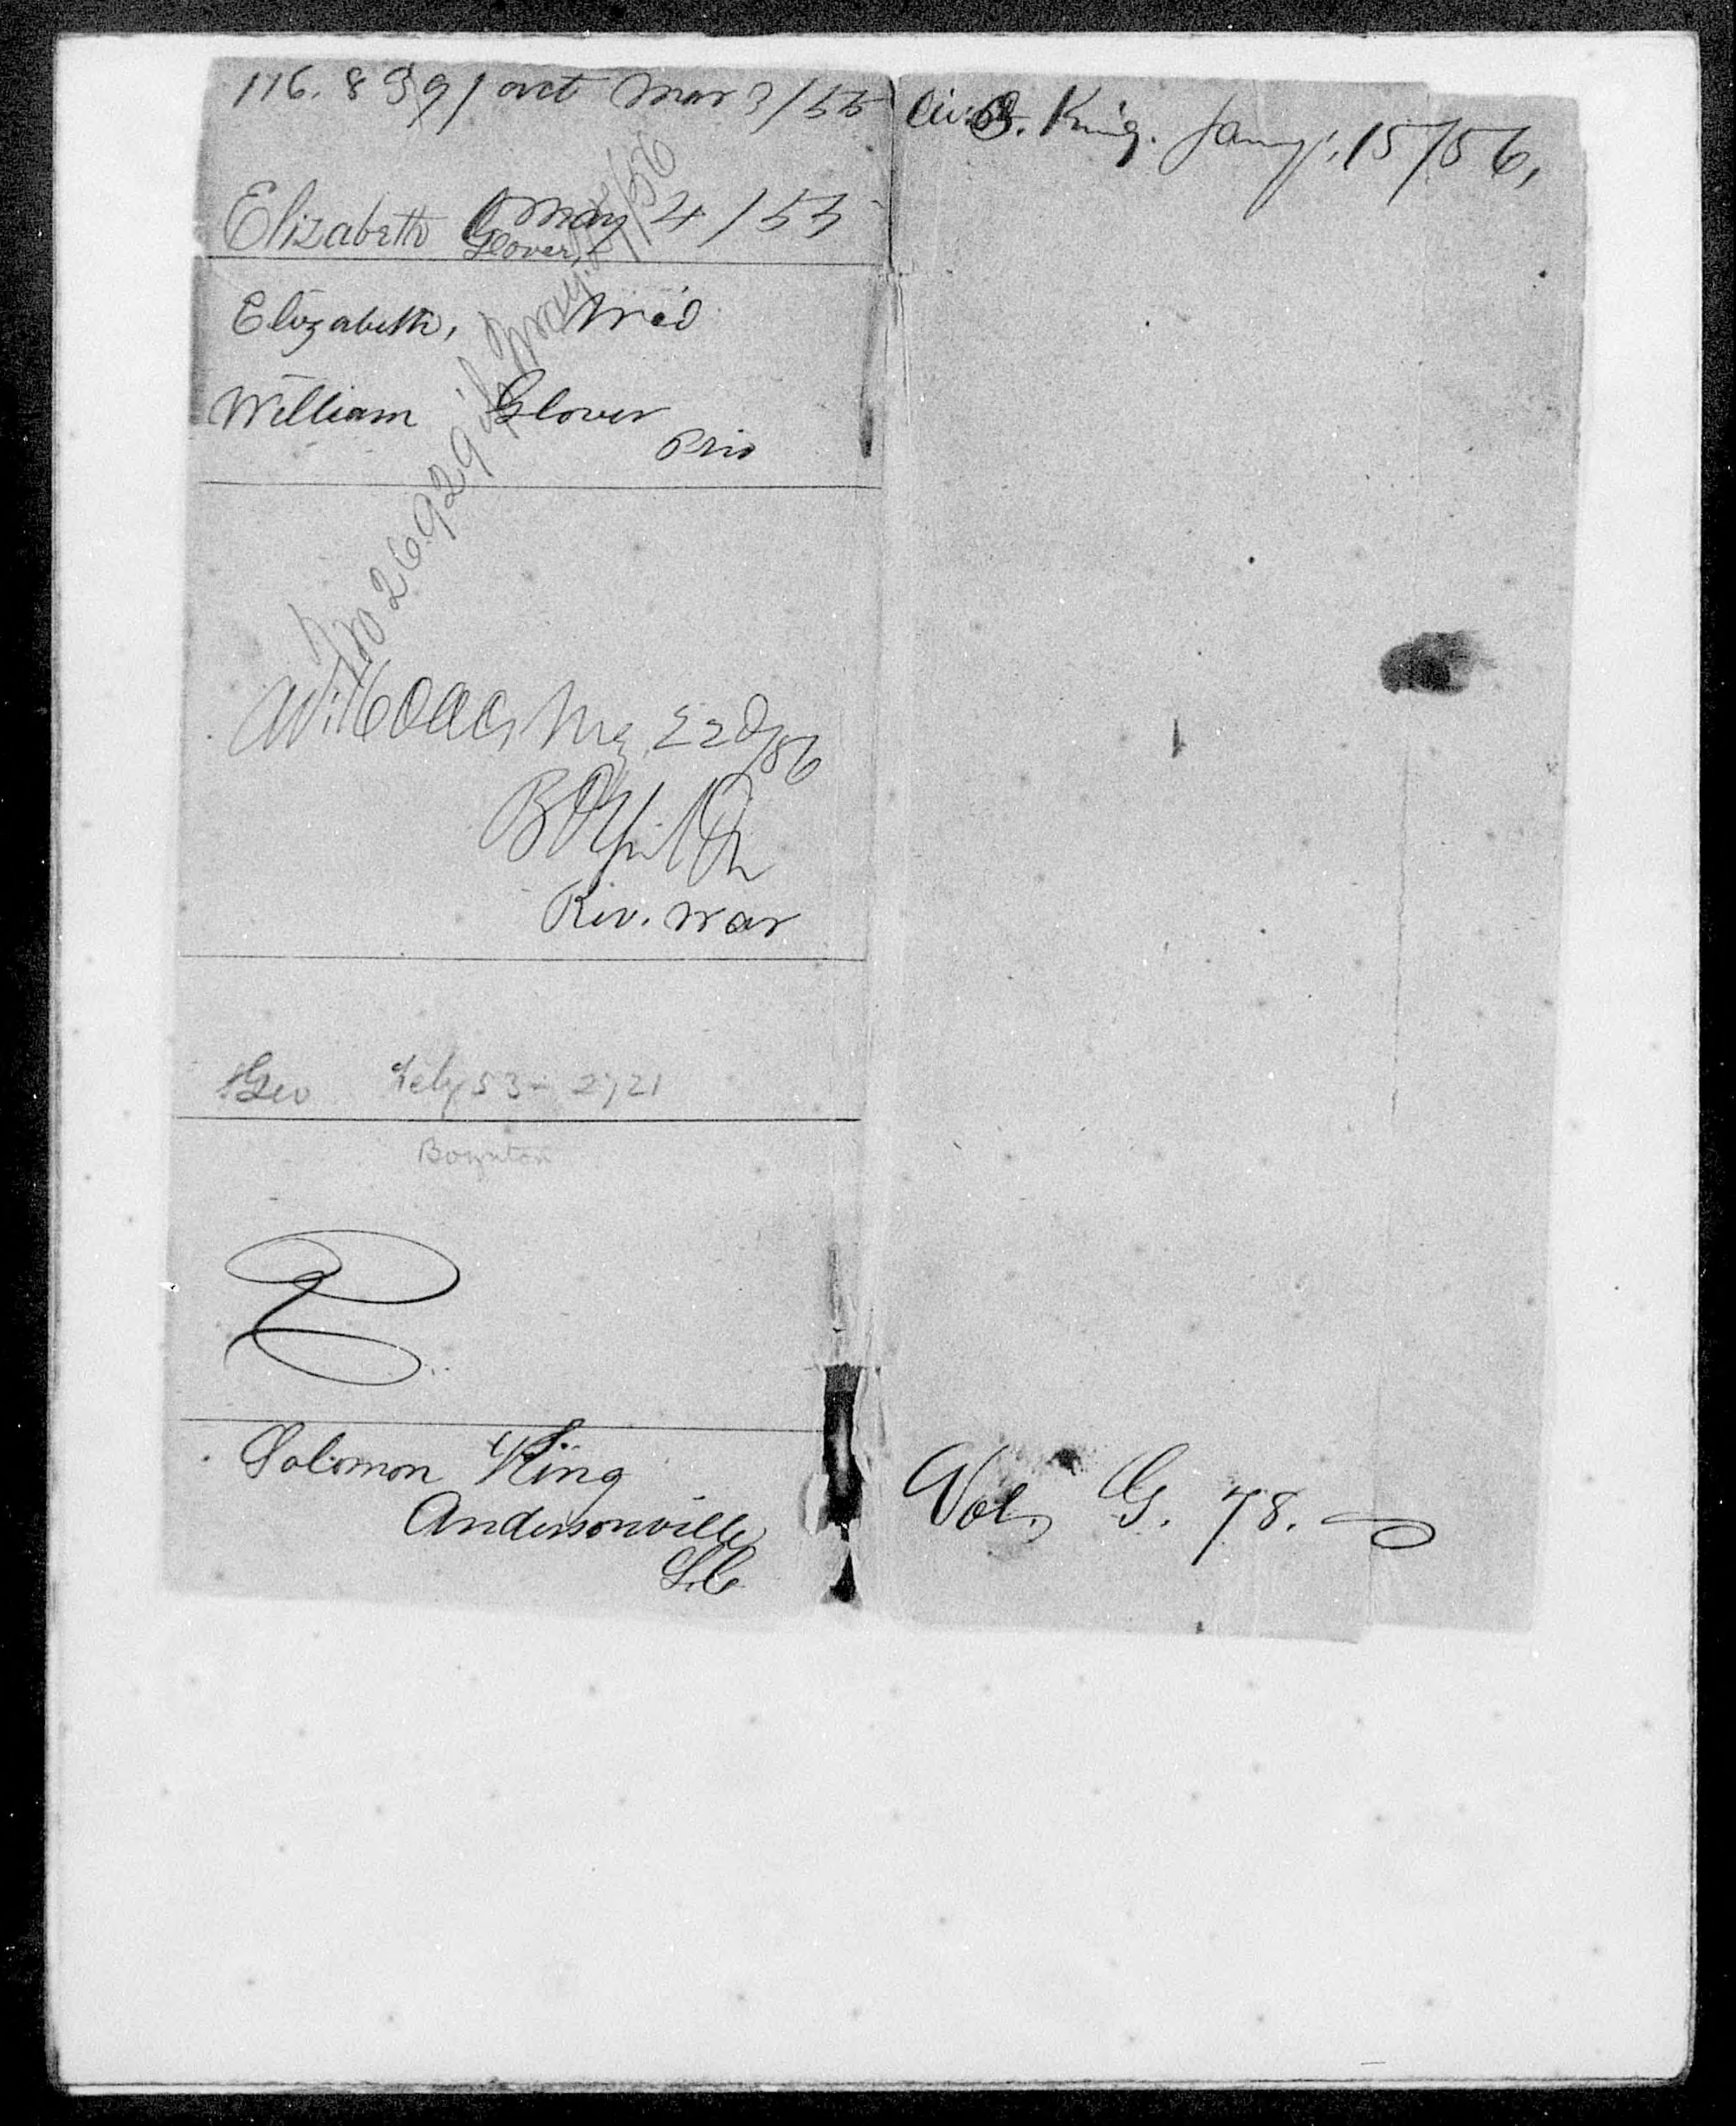176.8391 [illegible] Mar 3/[illegible] [illegible]. King. Jan: 15756, Elizabeth May 4/53
Elizabeth, [illegible]
William Glover Priv
[written diagonal] 2026929 [illegible] May 27/56 

William, [illegible] 86
B[illegible]
Rev. War

Geo. [illegible] 53-2121
        Boynton

G

Solomon King
Andersonville   Vol G. 78.
                GA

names: Boynton, King, Elizabeth Glover, William Glover, Solomon King, Elizabeth Glover, Boynton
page: 4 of 51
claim: widow's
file: W. 929, William Glover, N.C.